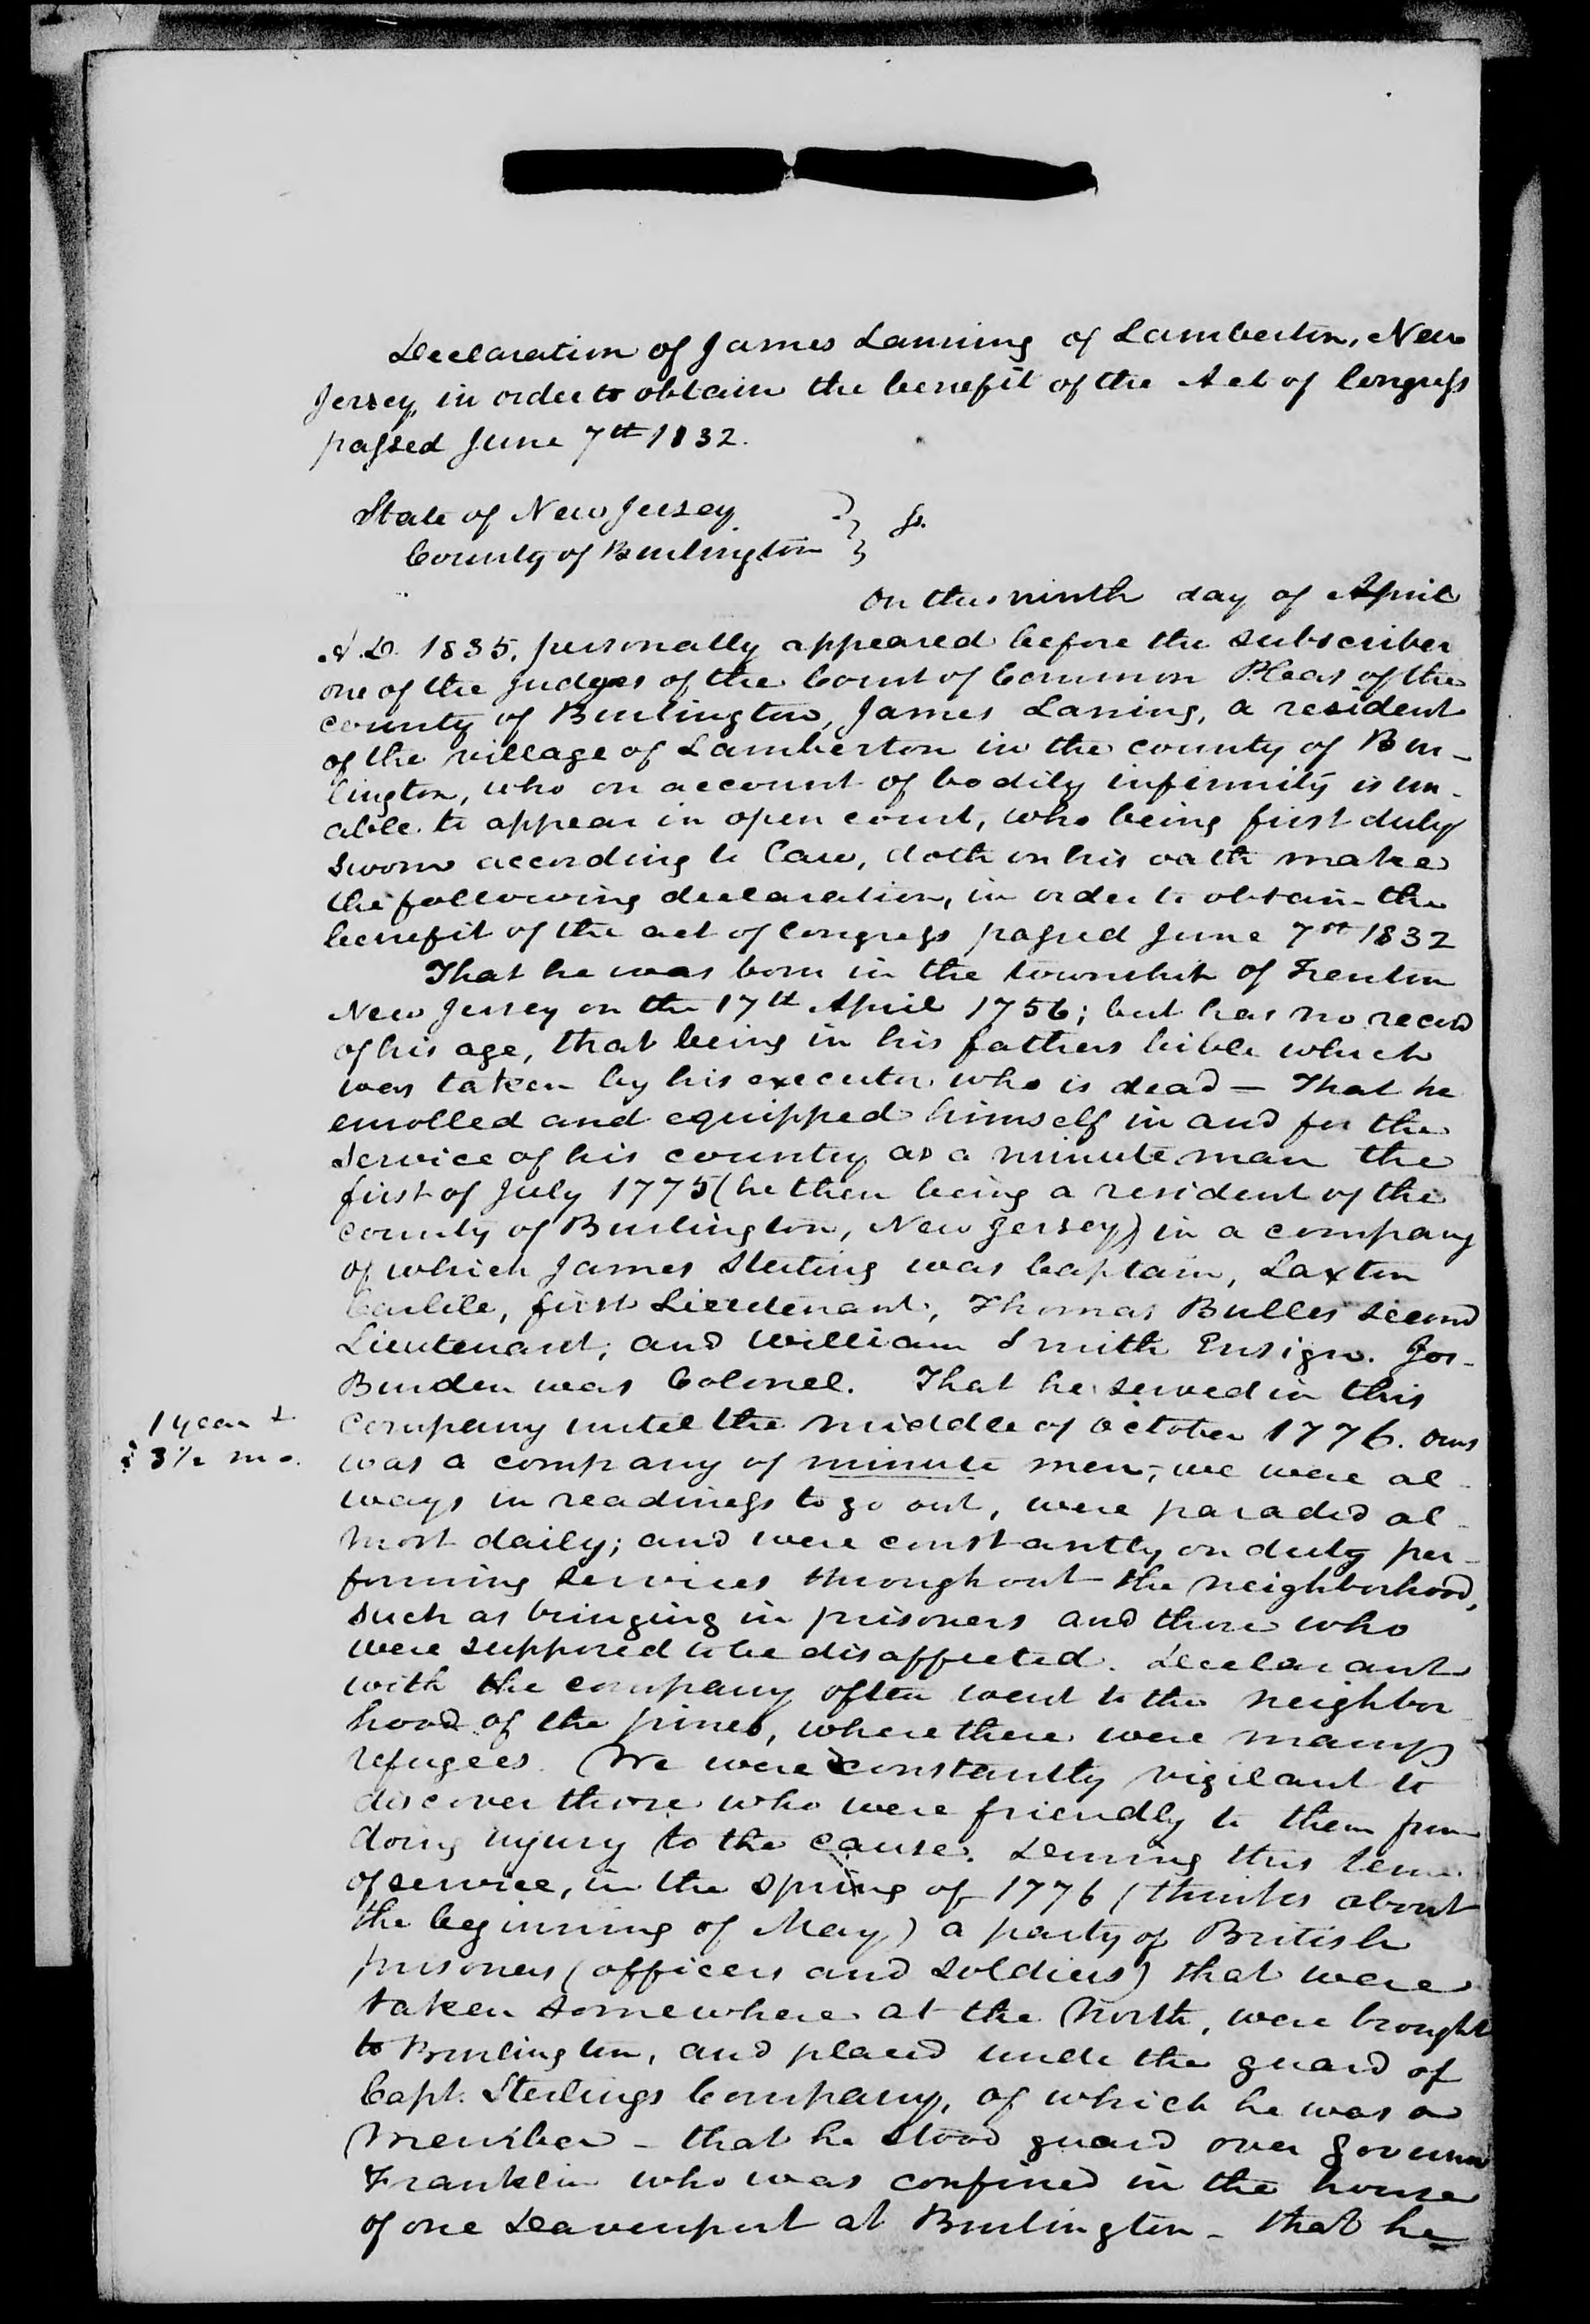Declaration of James Lanning of Lamberton, New Jersey in order to obtain the benefit of the Act of Congress passed June 7th 1832.

State of New Jersey
County of Burlington ⎬ ss

On this ninth day of April A.D. 1835, personally appeared before the subscriber one of the Judges of the Court of Common Pleas of the
County of Burlington, James Laning, a resident
of the village of Lamberton in the County of Burlington, who on account of bodily infirmity is unable to appear in open court, who being first duly sworn according to law, doth on his oath make the following declaration, in order to obtain the benefit of the act of Congress passed June 7th 1832

That he was born in the township of Trenton
New Jersey on the 17th April 1756; but has no record of his age, that being in his fathers bible which was taken by his executor who is dead - That he enrolled and equipped himself in and for the Service of his country as a minute man the first of July 1775 (he then being a resident of the County of Burlington, New Jersey) in a company of which James Sterling was Captain, Laxton Carlile, first Lieutenant, Thomas Bulles second Lieutenant, and William Smith Ensign. Jos. Burden was Colonel. That he served in this
company until the middle of October 1776. Ours was a company of minute men; we were always in readiness to go out, were paraded almost daily; and were constantly on duty performing services throughout the neighborhood, such as bringing in prisoners and those who were supposed to be disaffected. Declarant with the company often went to the neighborhood of the pines, where there were many refugees. We were constantly vigilant to discover those who were friendly to them from doing injury to the cause. During this term of service, in the spring of 1776 (thinks about the beginning of May) a party of British prisoners (officers and soldiers) that were taken somewhere at the North, were brought to Burlington, and placed under the guard of Capt. Sterlings Company, of which he was a member-- that he stood guard over Governor Franklin who was confined in the house of one Davenport at Burlington_ that he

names: Thomas Bulles; James Lanning; William Smith; Laxton Carlile; James Sterling; Jos Burden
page: 33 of 39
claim: rejected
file: R. 6154, for James Laning, New Jersey